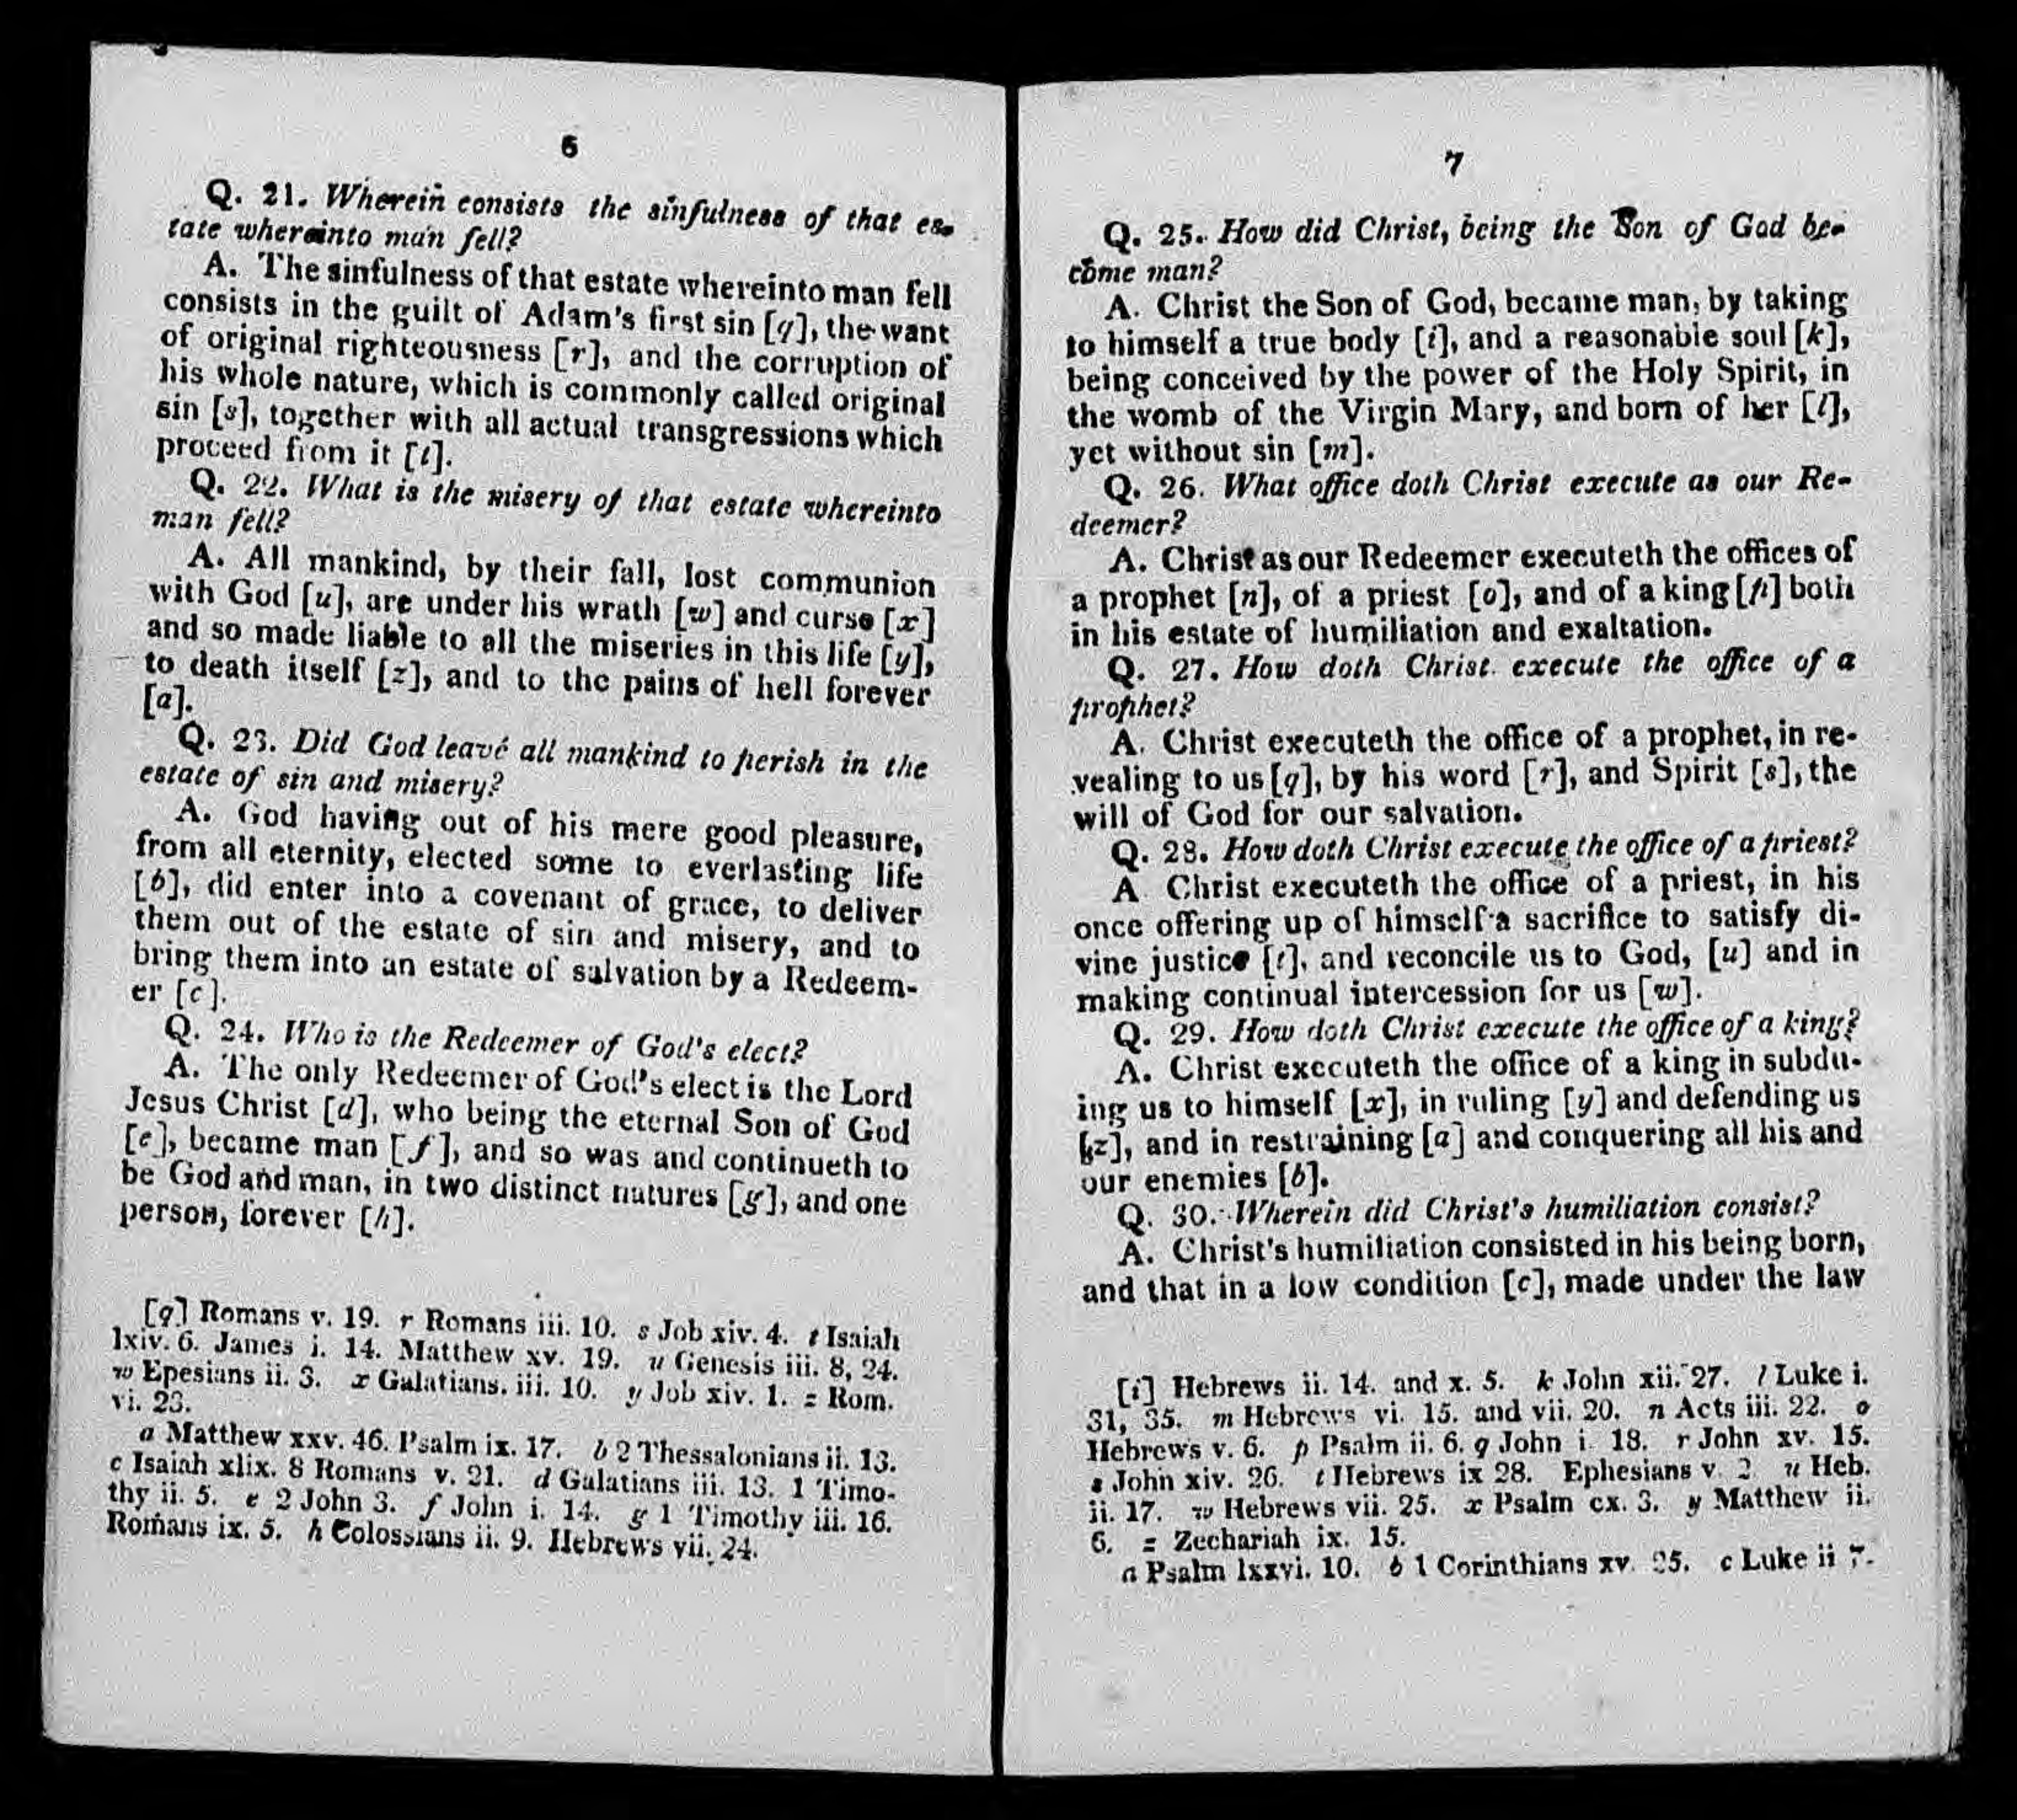6
Q. 21. Wherein consists the sinfulness of that estate 
whereunto man fell?
A. The sinfulness of that estate whereinto man fell
consists in the guilt of Adam's first sin (q), the want
of original righteousness [r], and the corruption of
his whole nature, which is commonly called original
sin [s], together with all actual transgressions which
proceed from it [t].

Q. 22. What is the misery of that estate whereinto
man fell?
A. All mankind, by their fall, lost communion
with God [u] are under his wrath [w] and curse [x]
and so made liable to all the miseries in this life [y],
to death itself [z], and to the pains of hell forever [a].

Q. 23. Did God leave all mankind to perish in the
estate of sin and misery?
A. God having out of his mere good pleasure,
from all eternity, elected some to everlasting life
[b], did enter into a covenant of grace, to deliver
them out of the estate of sin and misery, and to
bring them into an estate of salvation by a Redeem
er [c].

Q. 24. Who is the Redeemer of God's elect?
A. The only Redeemer of God's elect is the Lord
Jesus Christ [d], who being the eternal Son of God
[e], became man [f], and so was and continueth to
be God and man, in two distinct nature [g], and one
person, forever [h].

[q]  Romans v. 19. r Romans iii 10. s Job xiv. 4. t Isaiah
lxiv. 6 Jamesni 14. Matthew xv. 19.  u Genesis iii. 8, 24.
w Epesians ii. 13. x Galatians, iii. 10.  y Job xiv. = Rom.vi. 23

a Matthew xxv. 46.  Psalm ix. 17. b  2 Thessalonians il. 13.
c Isaiah xlix 8 Romans v. 21. d Galatians iii. 13. 1 Timothy ii 5.
e  2 John 3. f John i. 14. g 1 Timothy iii 16.
Romans ix. 5. b Colossians ii. 9.  Hebrews vii 24.

Q. 25. How did Christ, being the Son of God be
come man
A. Christ the Son of God, became man, by taking
to himself a true body [i], and a reasonable soul [k],
being conceived by the power of the Holy Spirit, in
the womb of the Virgin Mary, and born of her [l],
yet without sin [m].

Q. 26. What office doth Christ execute as our 
Redeemer?
A. Christ as our Redeemer executeth the offices of
a prophet [n], of a priest [o], and of a king [p] both
in his estate of humiliation and exaltation.

Q. 27. How doth Christ execute the office of a
prophet?  
A. Christ executeth the office of a prophet, in revealing
to us [q], by his word [r], and Spirit [s], the
will of God for our salvation.

Q. 28. How doth Christ execute the office of a priest?
A Christ executeth the office of a priest, in his
once offering up of himself a sacrifice to satisfy divine
justice [t], and reconcile us to God, [u] and in
making continual intercession for us [w].

Q. 29. How doth Christ executed office of king?
A. Christ executed office of king in subdu-
ing us to himself [x], in ruling [y] and defending us, [z]
 and in restraining [a] and conquering all his and
our enemies [b]

Q. 30. Wherein did Christ's humiliation consist?
A. Christ's humiliation consisted in his being born,
and that in a low condition [c], made under the law

[i] Hebrews ii. 14, and x 5.  k  John xii. 27.  l Luke i.
31, 35.  m  Hebrews vi. 15, and vii. 20, n Acts iii. 22.
o Hebrews v. 6. Psalm ii. 6. 9 John 118, John xv. 15.
s John xiv. 26. t Hebrews ix 28. Ephesians v  2    uHeb.
ii. 17.   w Hebrews vii. 25.   x Psalm cx. 3.  y Matthew ii
6. =  Zechariah ix. 15.
a Psalm lxxvi. 10.  b 1 Corinthians xv. 25. c  Luke ii 7.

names: Job, Luke, Matthew, Luke, Matthew, John, Isaiah, Matthew, James, Timothy, John, Mary, Timothy, Zechariah, John, John, John, John, Isaiah, Job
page: 64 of 98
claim: widow's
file: W. 8398, William Broadway, S.C.